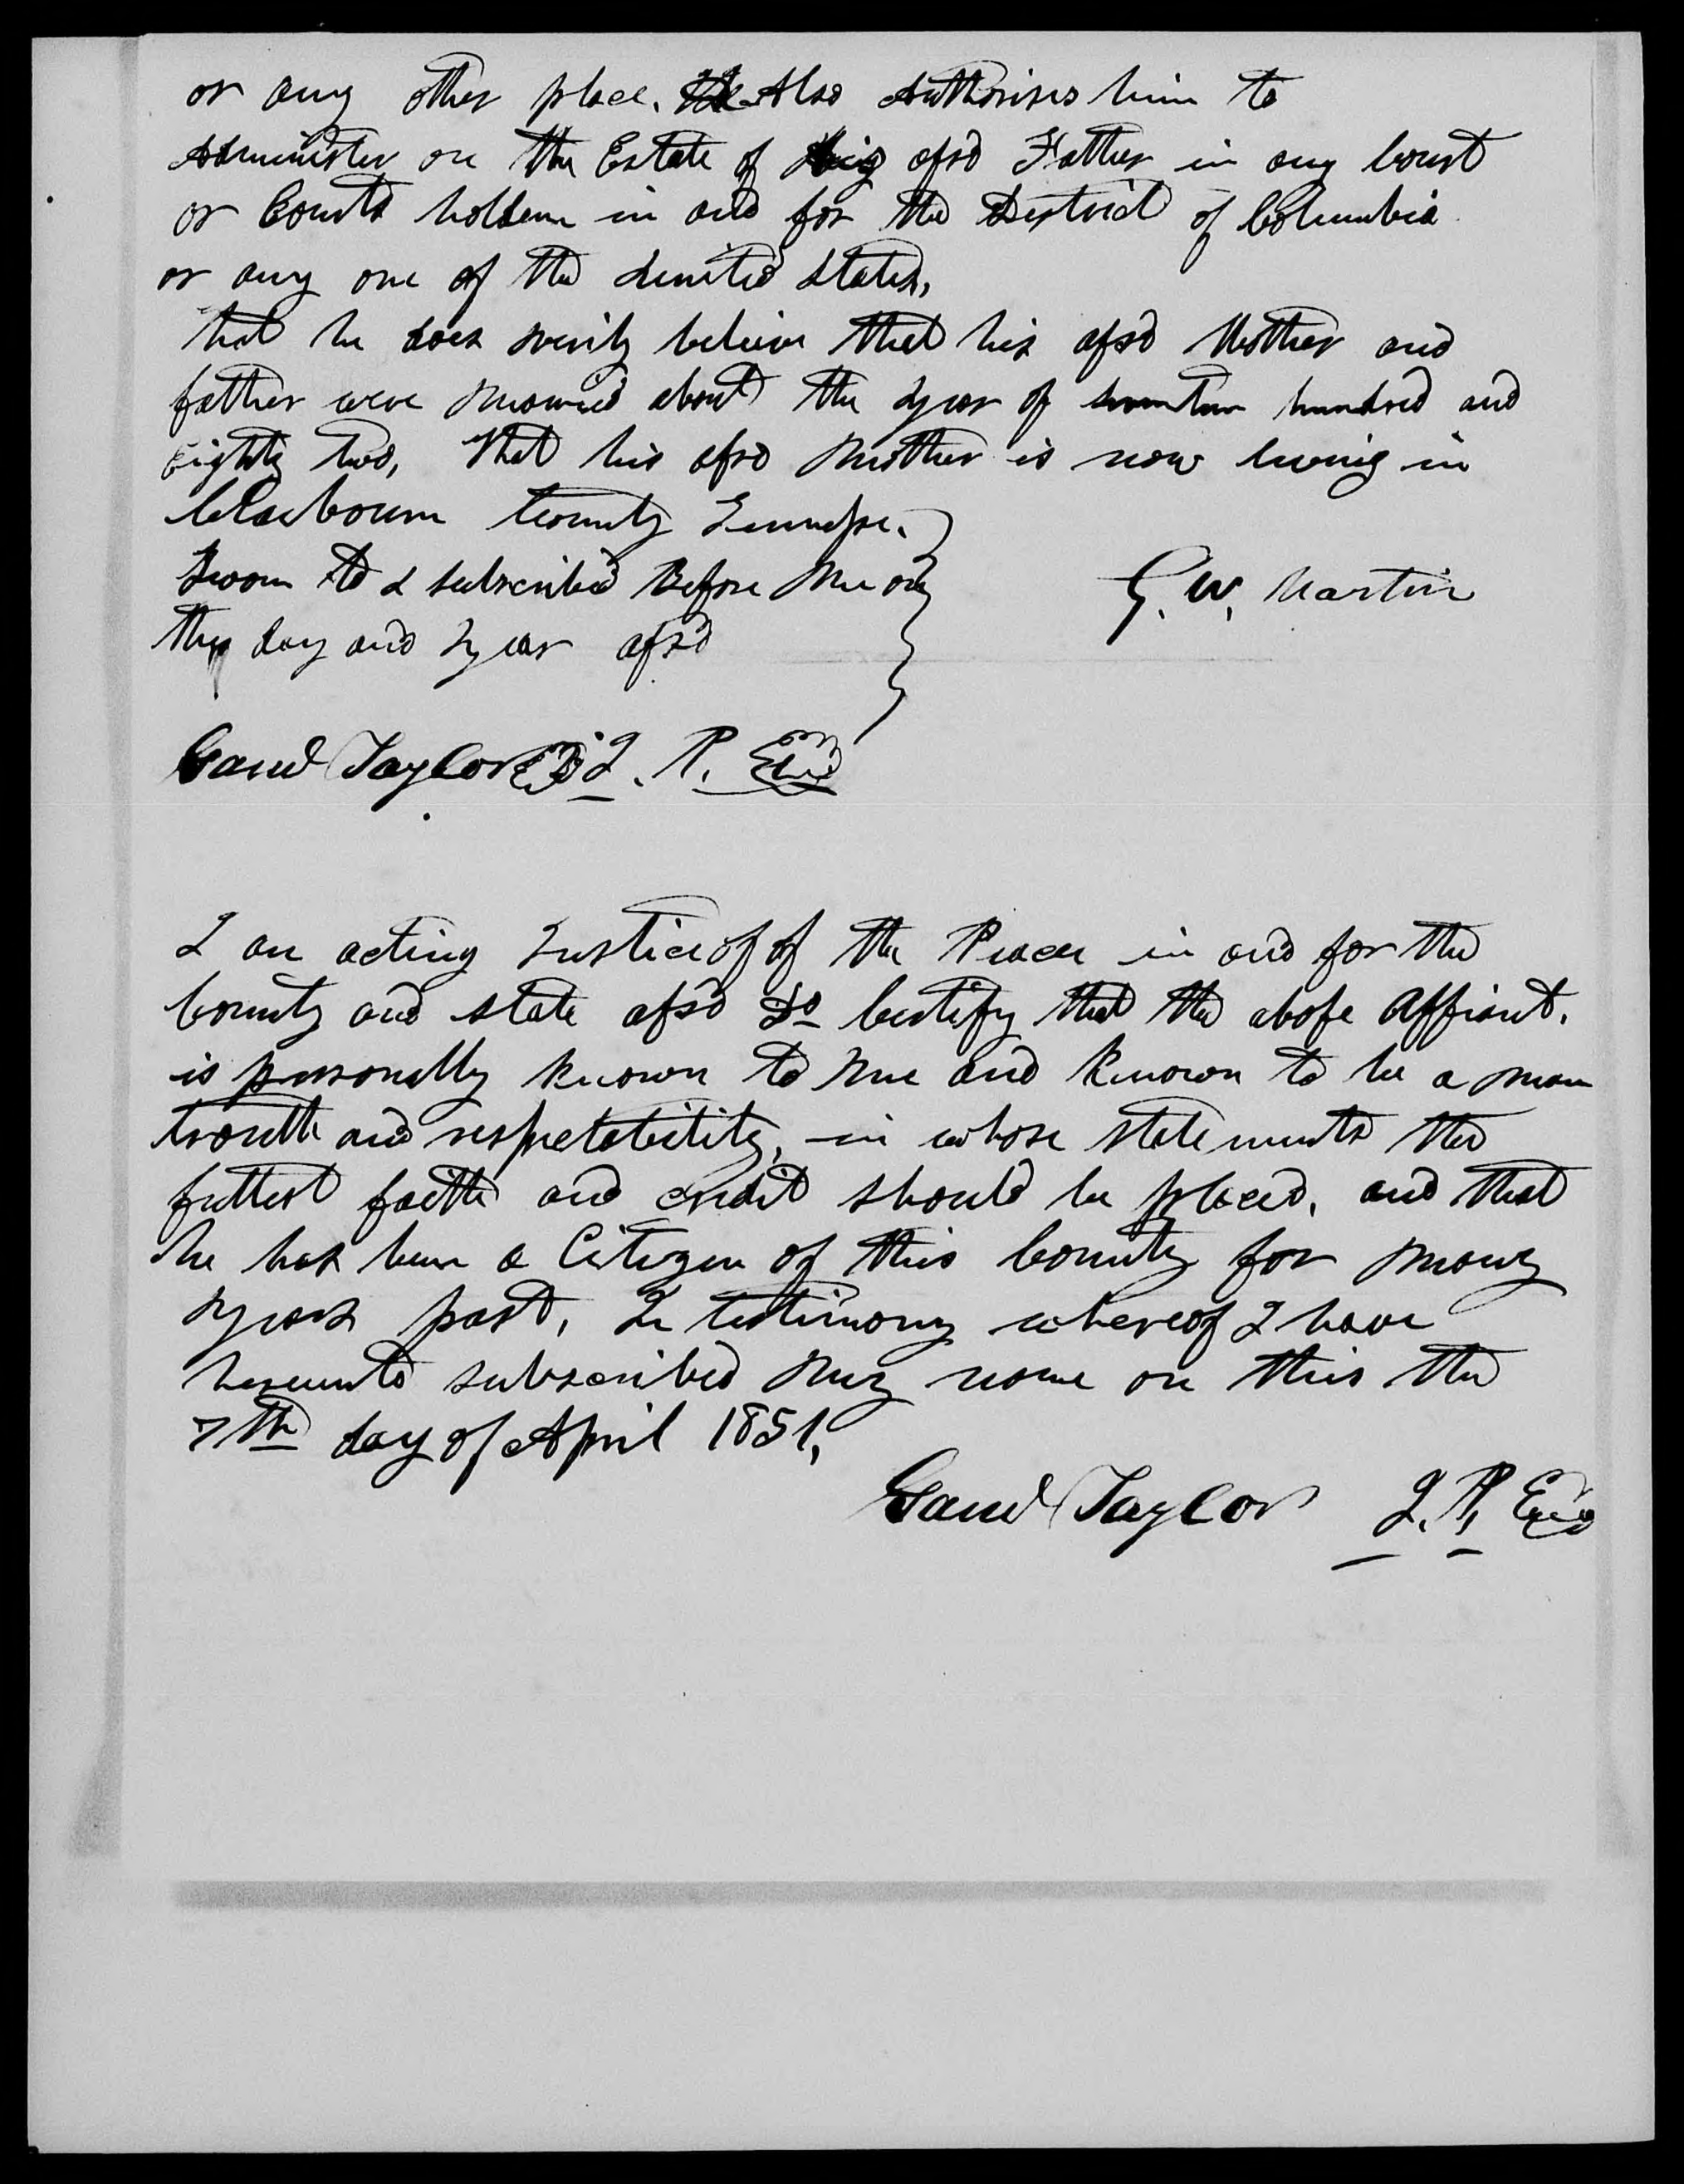or any other place. He Also authorises [authorizes] him to 
Administer on the Estate of his afsd [aforesaid] Father in any Court 
or Courts holden in and for the District of Columbia 
or any one of the United States. 
That he does verily believe that his afsd [aforesaid] Mother and 
father were married about the year of Seventeen hundred and 
Eighty two.  That his afsd [aforesaid] Mother is now living in 
Claibourn [Claiborne] County Tennessee. 
G. W. Martin 
Sworn to & Subscribed Before me on ) 
the day and year afsd  [aforesaid]      )        
Gaud Taylor [seal] J.P. [seal]
I am acting Justice of the Peace in and for the County and state afsd [aforesaid] do Certify that the above Affiant,
is personally known to me and known to be a man
trouth [truth] and respetability [respectability], in whose statements the 
fullest faith and credit should be placed, and that 
he has been a Citizen of this County for many years past.  In testimony whereof I have hereunto subscribed my name on this the 
7th day of April 1851. 

Gaud Taylor J.P. (seal)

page: 19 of 120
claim: widow's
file: W. 1044, for Salathiel Martin, North Carolina